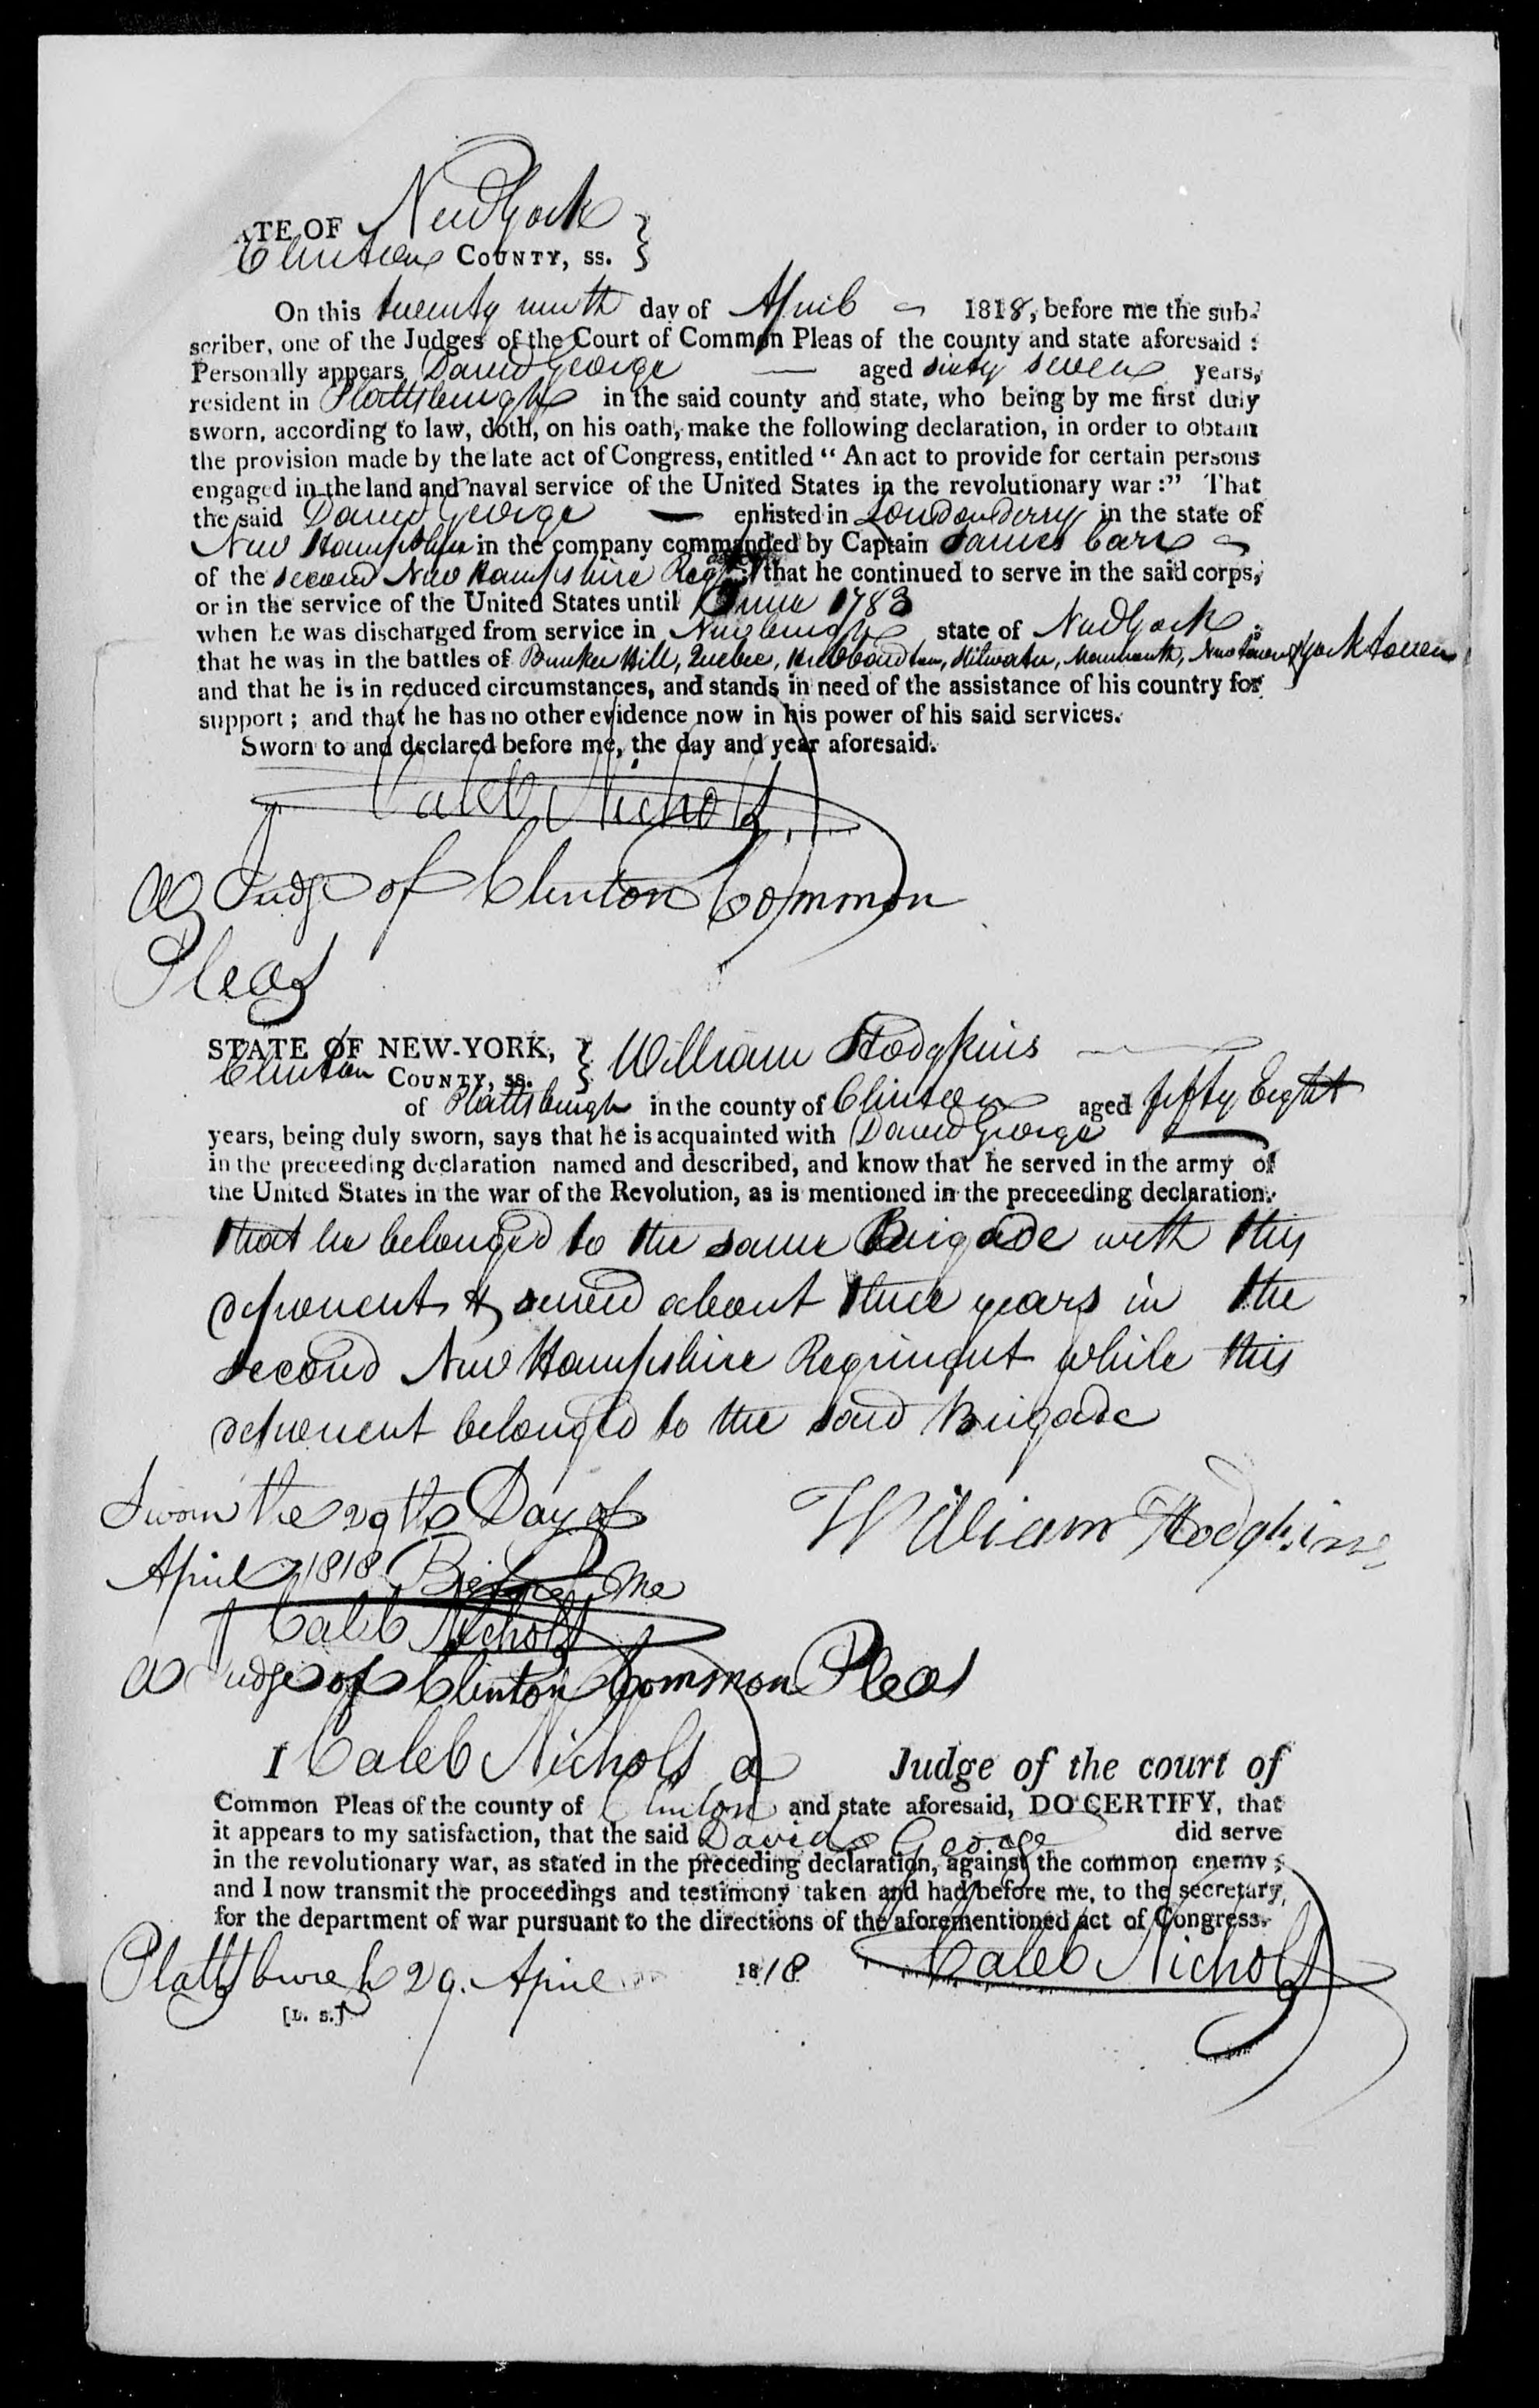(ST)ATE OF New York
Clinton COUNTY, ss. ⎬
On this twenty ninth day of April 1818, before me the subscriber,  one of the Judges of the Court of Common Pleas of the county and state aforesaid: Personally appears David George aged sixty seven years, who being by me first duly sworn, according to law, doth, on his oath, make the following declaration, in order to obtain the provision made by the late act of Congress, entitled "An act to provide for certain persons engaged in the land and naval service of the United States in the revolutionary war:" That the said David George enlisted in Londonderry in the state of
New Hampshire in the company commanded by Captain James Carr of the second New Hampshire Reg(iment) that he continued to serve in the said corps, or in the service of the United States until June? 1783 when he was discharged from service in Newburgh state of New York; that he was in the battles of Bunker Hill, Quebec, Hubbard farm, Hilwabee?Monmouth, New Tavern and Yorktown
and that he is in reduced circumstances, and stands in need of the assistance of his country for support; and that he has no other evidence now in his power of his said services.
Sworn to and declared before me, the day and year aforesaid.

(signed) Caleb Nichols
A Judge of Clinton Common Pleas

STATE OF NEW YORK, William Hodgkins
Clinton County }  ss
of Plattsburgh in the County of Clinton aged fifty Eight years, being duly sworn, says that he is acquainted with David George in the preceeding declaration named and described, and know that he served in the army of
the United States in the war of the Revolution, as is mentioned in the preceeding declaration.

that he belonged to the same Brigade with this
deponent & served about three years in the
Second New Hampshire Regiment while this
deponent belonged to the same Brigade 

(signed) William Hodgkins 

Sworn the 29th day of
April 1818 Before me 
Caleb Nichols 
a Judge of Clinton Common Pleas

I Caleb Nichols  a Judge of the court of
Common Pleas of the county of Clinton and state aforesaid, DO CERTIFY, that it appears to my satisfaction, that the said David George did
serve in the revolutionary war, as stated in the preceding declaration, against the common enemy; and I now transmit the proceedings and testimony taken and had before me, to the secretary for the department of war pursuant to the directions of the  aforementioned act of Congress,
Plattsburgh 29. April 1818 
(signed Caleb Nichols 
[L. S.]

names: David George, David George, William Hodgkins, James Carr, Caleb Nichols, Caleb Nichols, William Hodgkins, Caleb Nichols, Caleb Nichols, David George, David George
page: 11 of 18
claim: survivor's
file: S. 39568, David George, N.H.